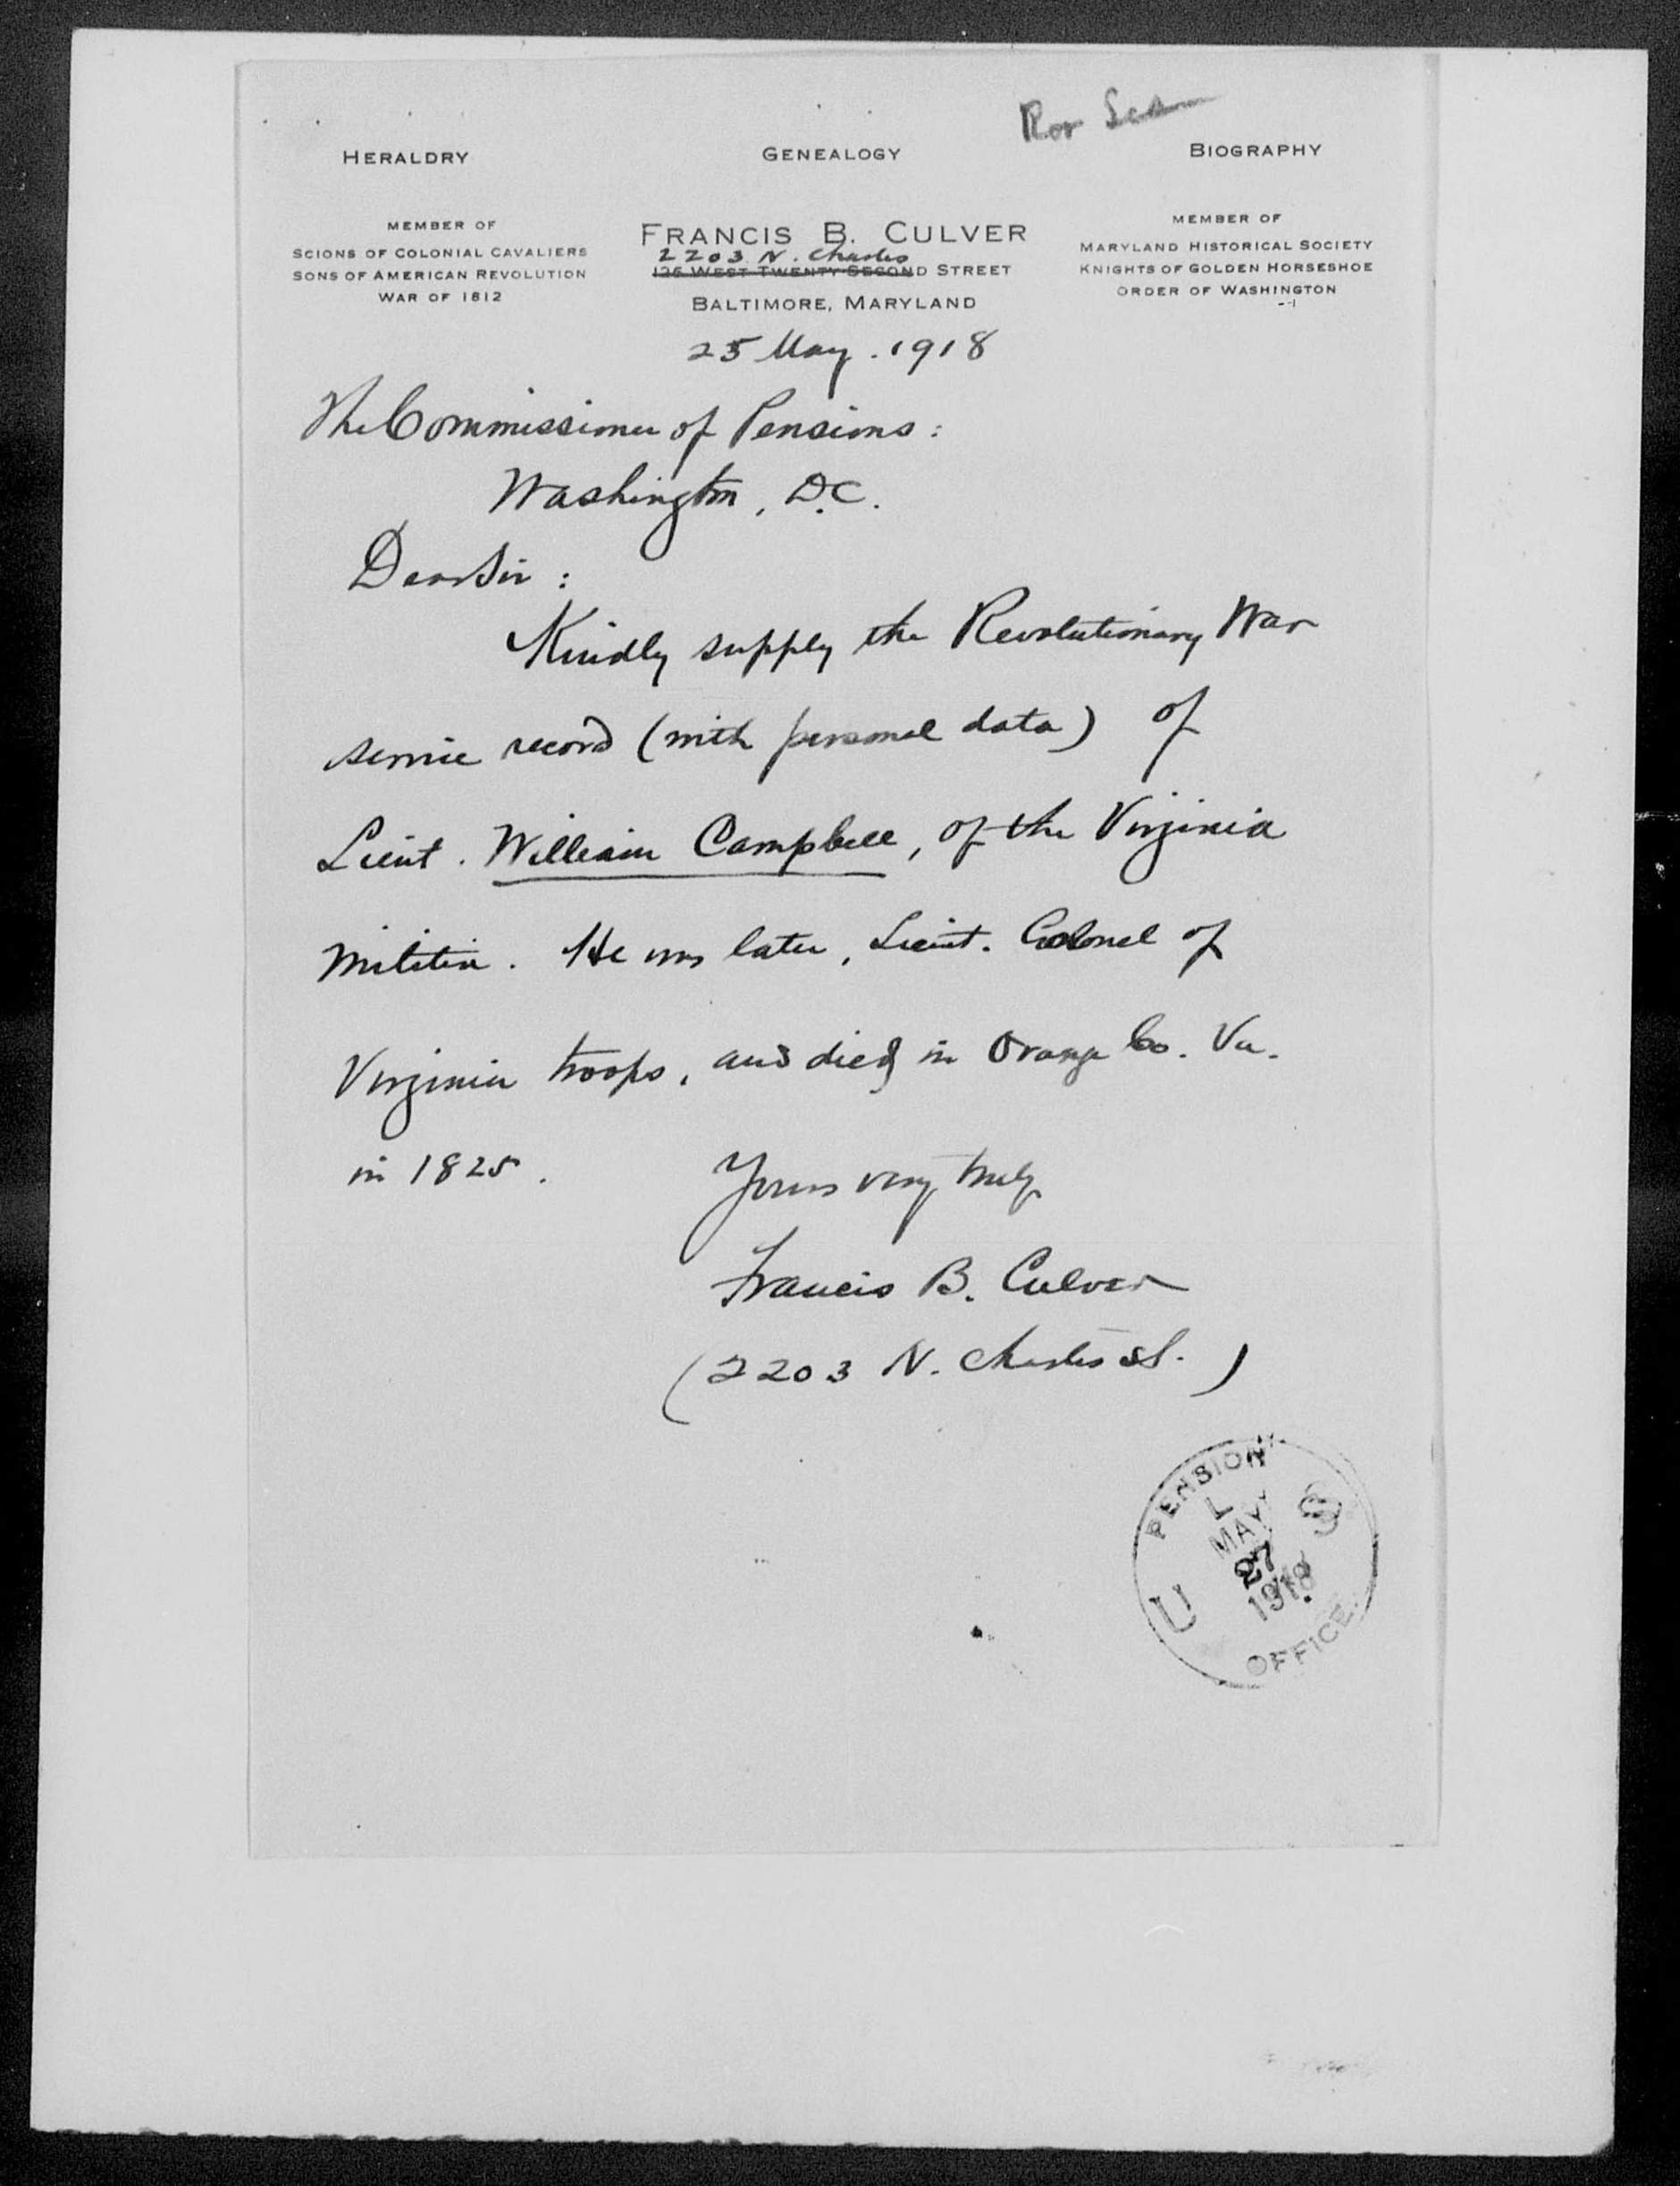[header]
HERALDRY
MEMBERS OF
SCIONS OF COLONEL CAVALIERS
SONS OF AMERICAN REVOLUTION
WAR OF 1812

GENEALOGY
FRANCIS B. CULVER
2203 N. CHARLES STREET
BALTIMORE, MARYLAND

BIOGRAPHY
MEMBERS OF
MARYLAND HISTORICAL SOCIETY
KNIGHTS OF GOLDEN HORSESHOE
ORDER OF WASHINGTON

[handwritten body]
25 May. 1918
The Commissioner of Pensions:
Washington, D.C.
Dear Sir:
Kindly supply the Revolutionary War service record (with personal data) of Lieut. William Campbell, of the Virginia Militia. He was later, Lieut. Colonel of Virginia troops, and died in Orange Co. Va. in 1825.
Yours very truly
Francis B. Culver
(2203 N. Charles St.)

[stamp]
PENSION
L
MAY
U 27 S
1918
OFFICE.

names: William Campbell, Francis B Culver, Francis B Culver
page: 149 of 267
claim: widow's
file: W. 4,149, William Campbell, Va.